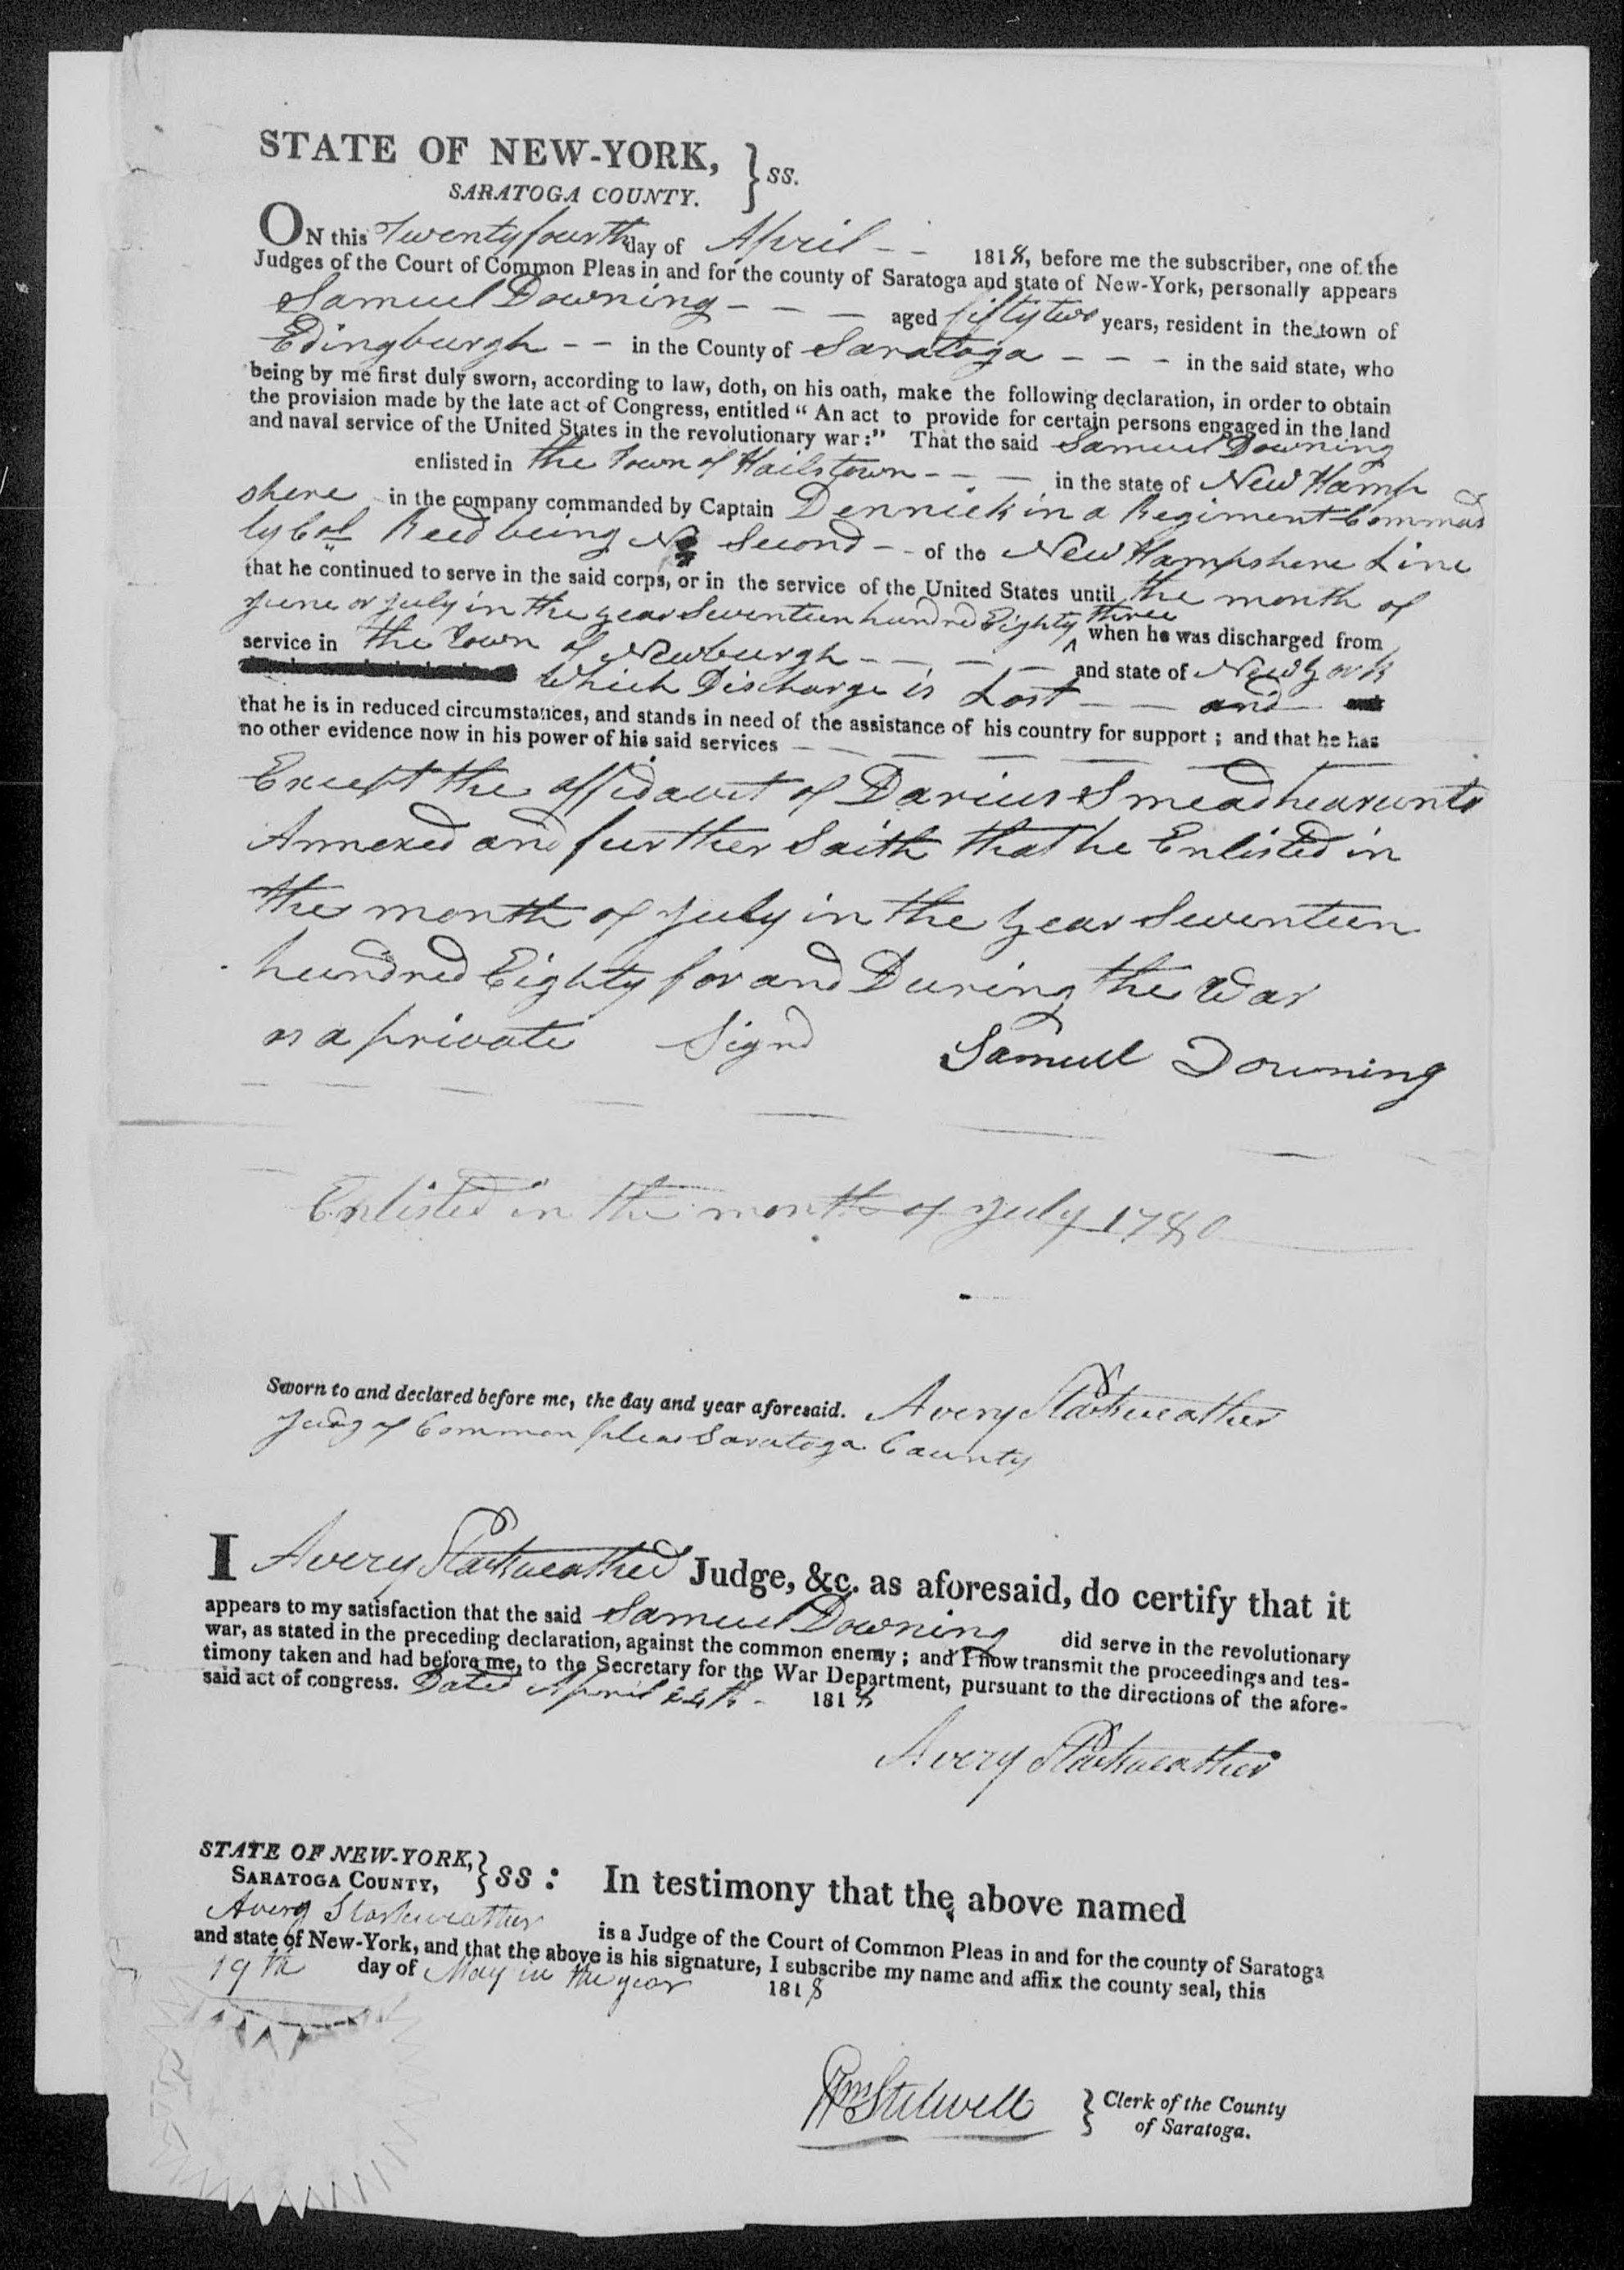STATE OF NEW-YORK }SS.
SARATOGA COUNTY.
On this Twenty fourth day of April — 1818, before me the subscriber, one of the Judges of the Court of Common Pleas in and for the county of Saratoga and state of New-York, personally appears Samuel Downing - - - aged fifty two years, resident in the town of Edinburgh- - in the County of Saratoga and- - - in the said state, who being by me duly sworn, Accor to law, doth, on his oath, make the following declaration, in order to obtain the provision made by the late act of Congress, entitled “ An act to provide for certain persons engaged in the land and naval service of the United States in the revolutionary war:” That the said Samuel Downing enlisted in the Town of Hailstown - - - in the state New Hampshere in the company commanded by Captain Dennick in a Regiment Command by Col Reed being In Second - - of the New Hampshere Line that he continued to serve in said corps, or in the service of the United States until the month of June or July in the year Seventeen hundred Eighty three when he was discharged service in the town of Edinburgh - - - - and state of New York ( crossed out) which discharge is Lost - - and (crossed out) that he is in reduced circumstances, and stands in need of assistance of his country for support ; and that he has no other evidence now in his power of his said services - - -  Except the affidavit Darius Smead he accounts Ammened and further Saith that he Enlisted in the month of July in the year Seventeen hundred Eighty for and During the War as a Private 
Signed Samuel Downing
Enlisted in the month of July 1780
Sworn to and declared before me, the day and year aforesaid Avery Starkweather Judge of Common Pleas Saratoga County
I Avery Starkweather Judge , &c. as aforesaid, do certify that it appears to my satisfaction that the said Samuel Downing did serve in the revolutionary war, as stated in the preceding declaration, against the common enemy; and I now transmit the proceedings and testimony taken and had before me, to the Secretary for the War Department, pursuant to the directions of the aforesaid act of congress. Dated April (illegible) 1814
Avery Starkweather 
STATE OF NEW-YORK,}SS: In testimony that the 
SARATOGA COUNT              above named
Avery Starkweather is a Judge of the Court of Common Pleas in and for the county of Saratoga and state of New-York, and that the above is his signature, I subscribe my name and affix the county seal, this day of May in the year 1818 
HmStillwell } Clerk of the County of Saratoga.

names: Samuel Downing, Avery Stockweather, Avery Stockweather, Avery Stockweather, Samuel Downing, Samuel Downing, Dennick, Wm Stilwell, Reed, Samuel Downing, Darius Smead, Avery Starkweather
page: 4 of 56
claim: survivor's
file: S. 40,055, Samuel Downing, N.H.